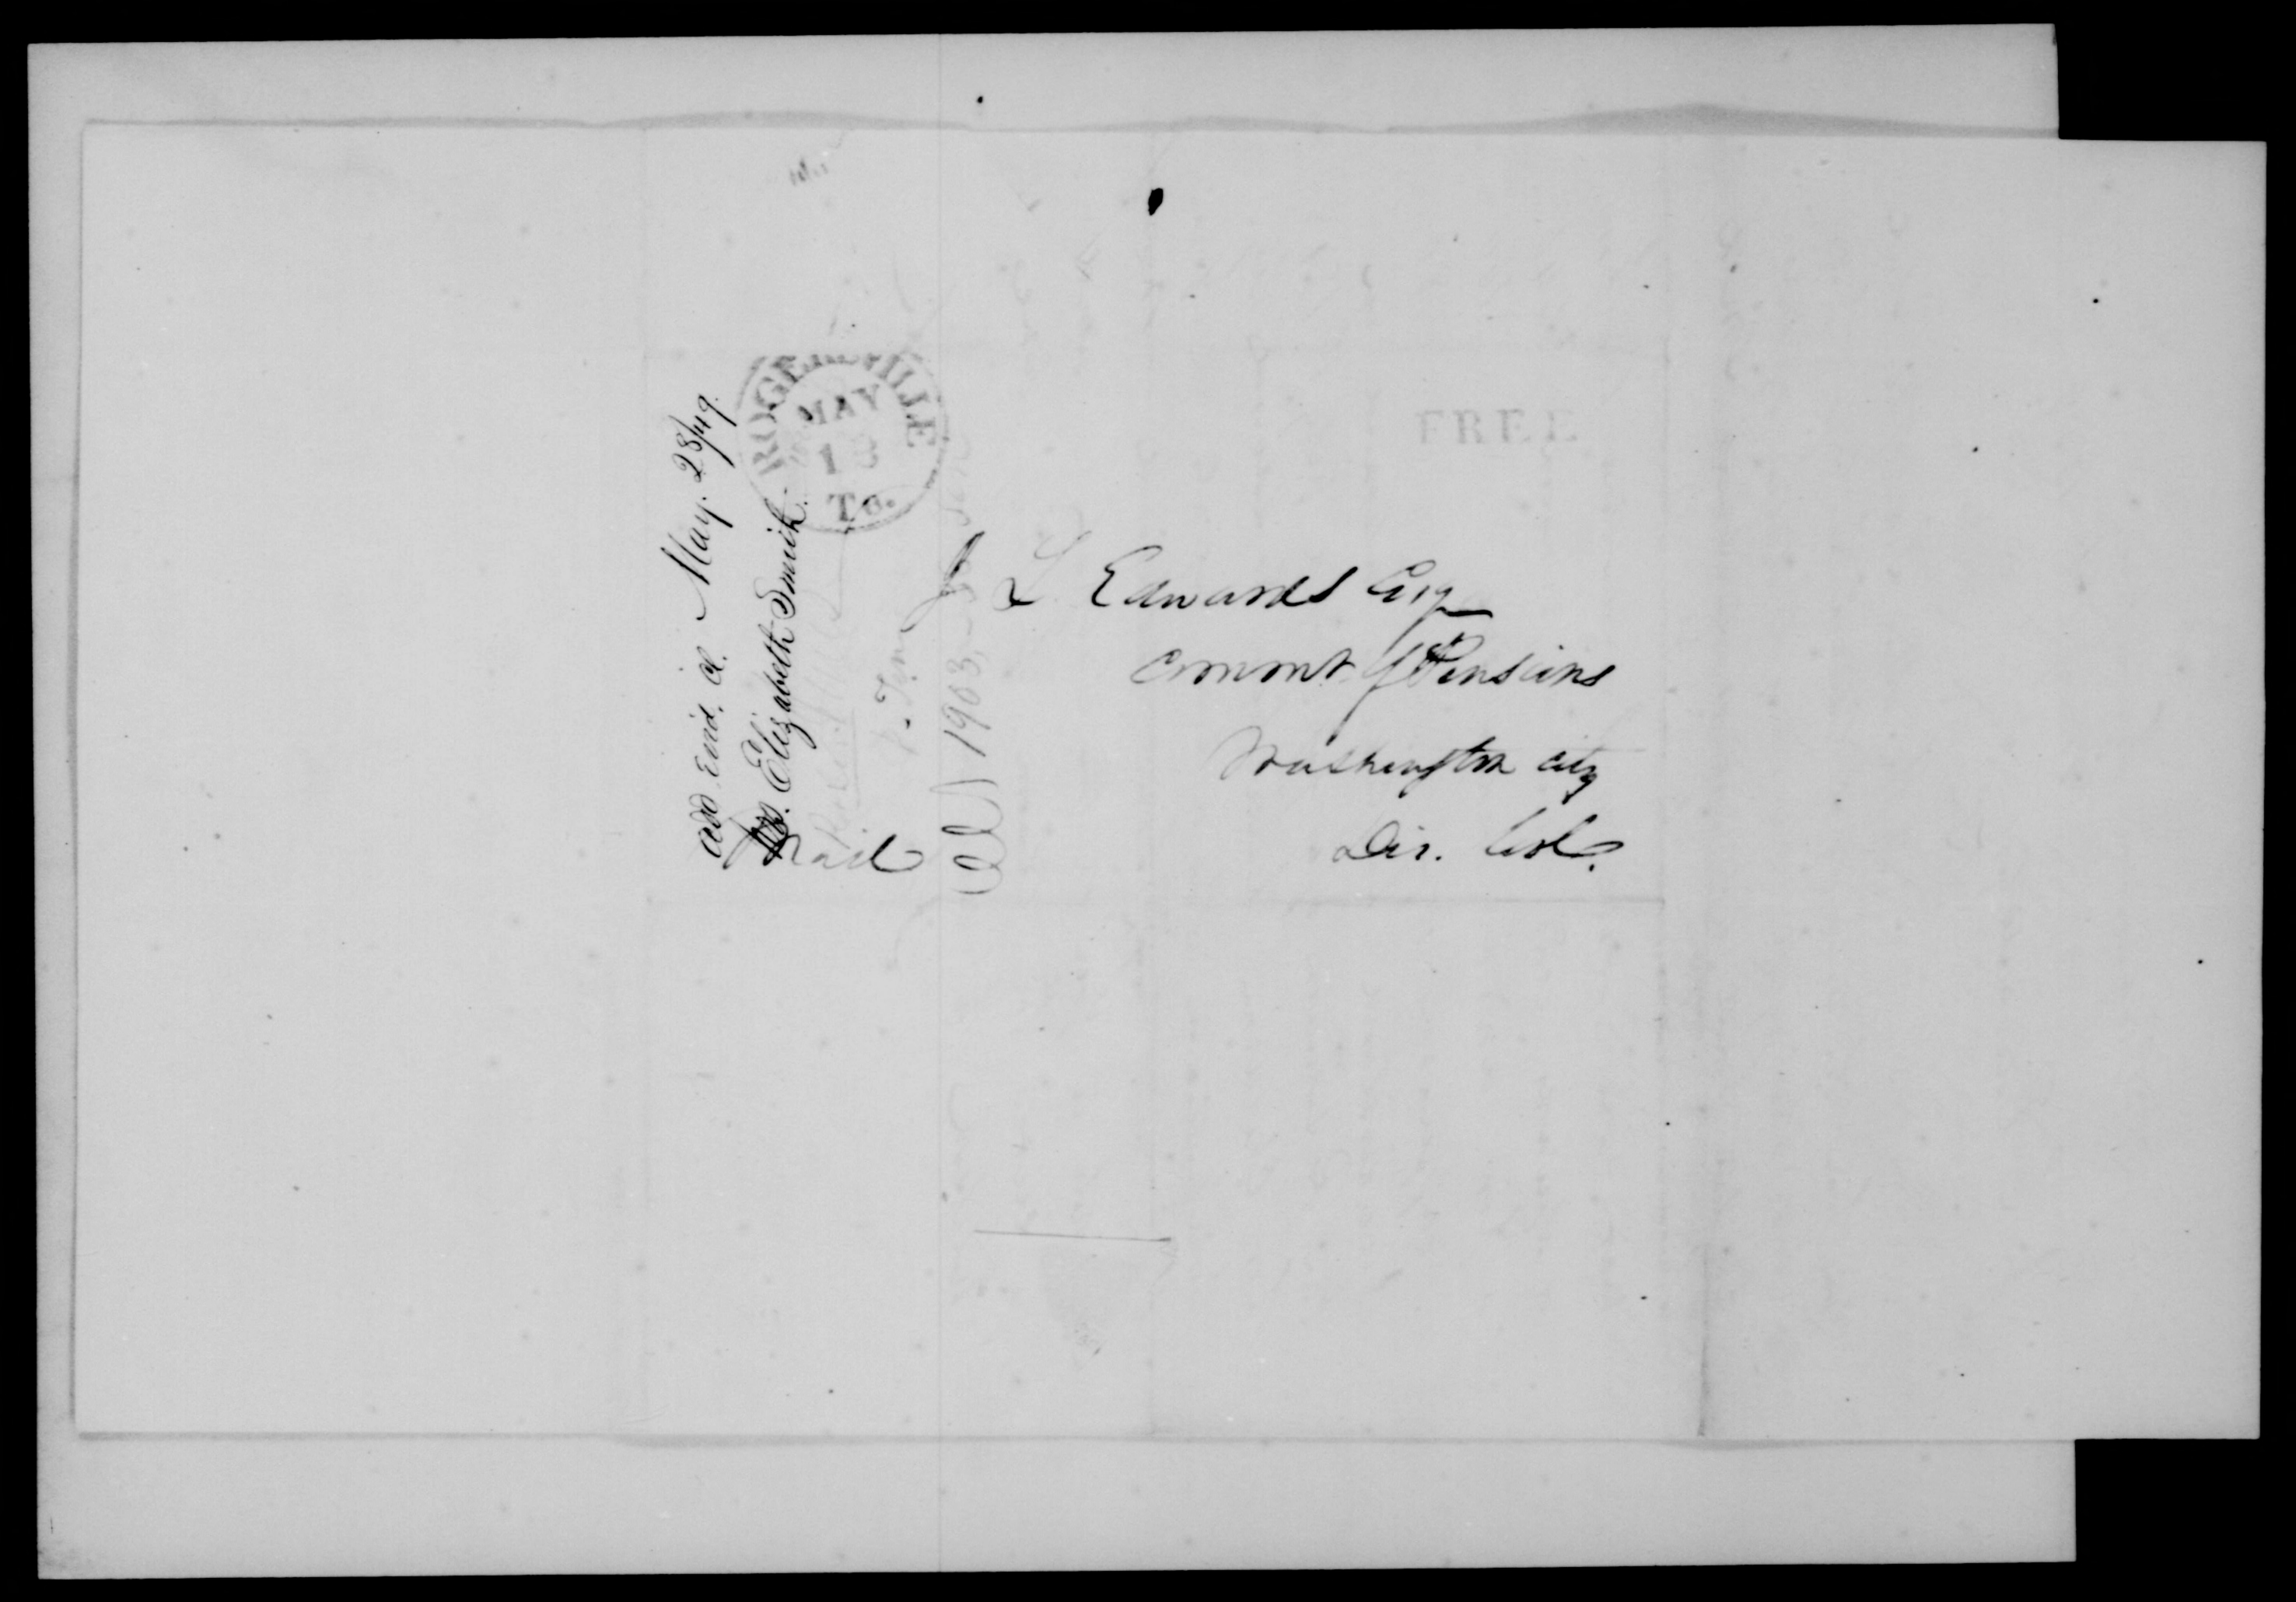[postal stamp]
Roge [illegible]
MAY
13
Te.


FREE
J L Edwards Esq
Comm Pensions
Washington City
Dis. Col.
Mail

All.  Evid. Cl. May 28/49.
Elizabeth Smith
[illegible]
Ten.
[illegible] 1903 [illegible]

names: Elizabeth Smith; J L Edwards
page: 20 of 79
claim: widow's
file: W. 1504, for Robert Smith, North Carolina